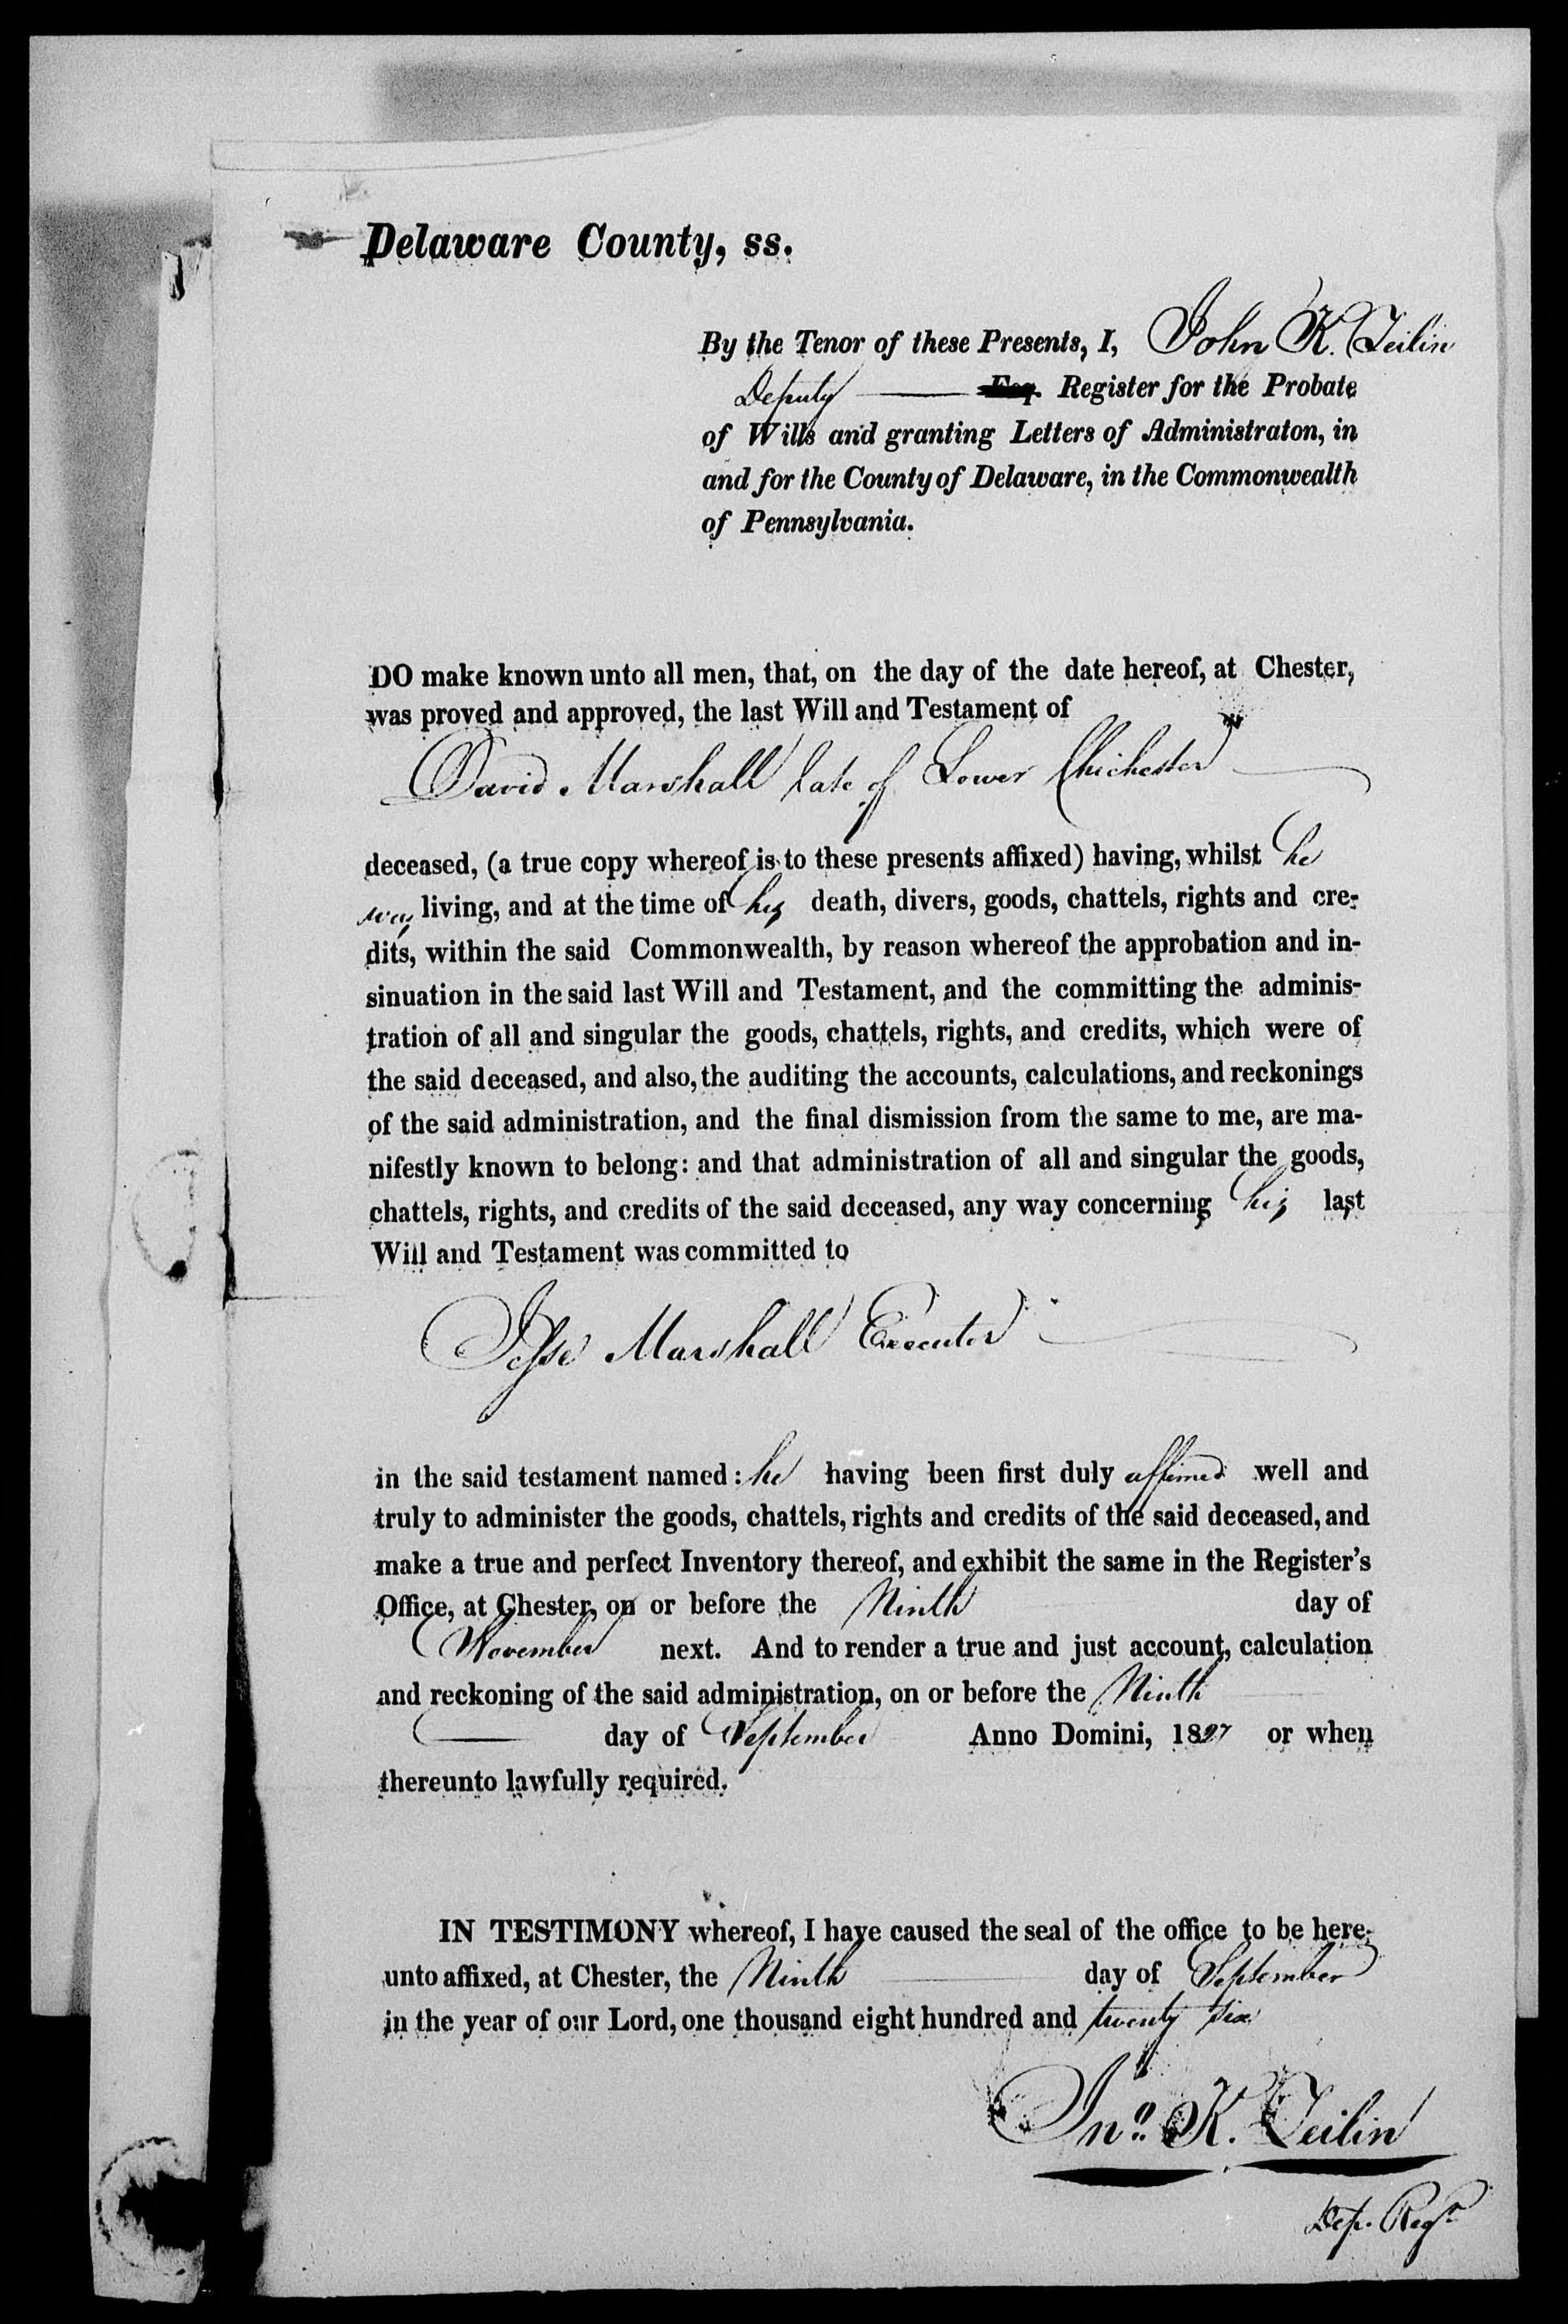Delaware County, ss.
By the Tenor of these Presents, I, John K. Geilin
Deputy --- Esq. [crossed out] Register for the Probate of Wills and granting Letters of Administraton, in and for the County of Delaware, in the Commonwealth of Pennsylvania.
DO make known unto all men, that, on the day of the date hereof, at Chester,was proved and approved, the last Will and Testament of
David Marshall late of Lower Chichester-
deceased, (a true copy whereof is to these presents affixed) having, whilst he was
living, and at the time of his death, divers goods, chattels, rights and credits, within the said Commonwealth, by reason whereof the approbation and insinuation in the said last Will and Testament, and the committing the administration of all and singular the goods, chattels, rights, and credits, which were of
the said deceased, and also, the auditing the accounts, calculations, and reckonings
of the said administration, and the final dismission from the same to me are manifestly
known to belong: and that administration of all and singular the goods, chattels, rights, and credits of the said deceased any way concerning his last Will and Testament was committed to
[Illegible] Marshall Executor

in the said testament named, he having been first duly affirmed well and
truly to administer the goods, chattels, rights and credits of the said deceased, and
make a true and perfect Inventory thereof, and exhibit the same in the Register's Office at Chester, on or before the Ninth day of
November next. And to render a true and just account, calculation and reckoning of the said administration, on or before the Ninth day of September Anno Domini, 1827 or when
thereunto lawfully required.
IN TESTIMONY whereof, I have caused the seal of the office to be hereunto
affixed, at Chester, the Ninth day of September
in the year of our Lord, one thousand eight hundred and twenty six
In K. Geilin
Dep. Regr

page: 10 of 86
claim: widow's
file: W. 3571, for David Marshall, Pennsylvania